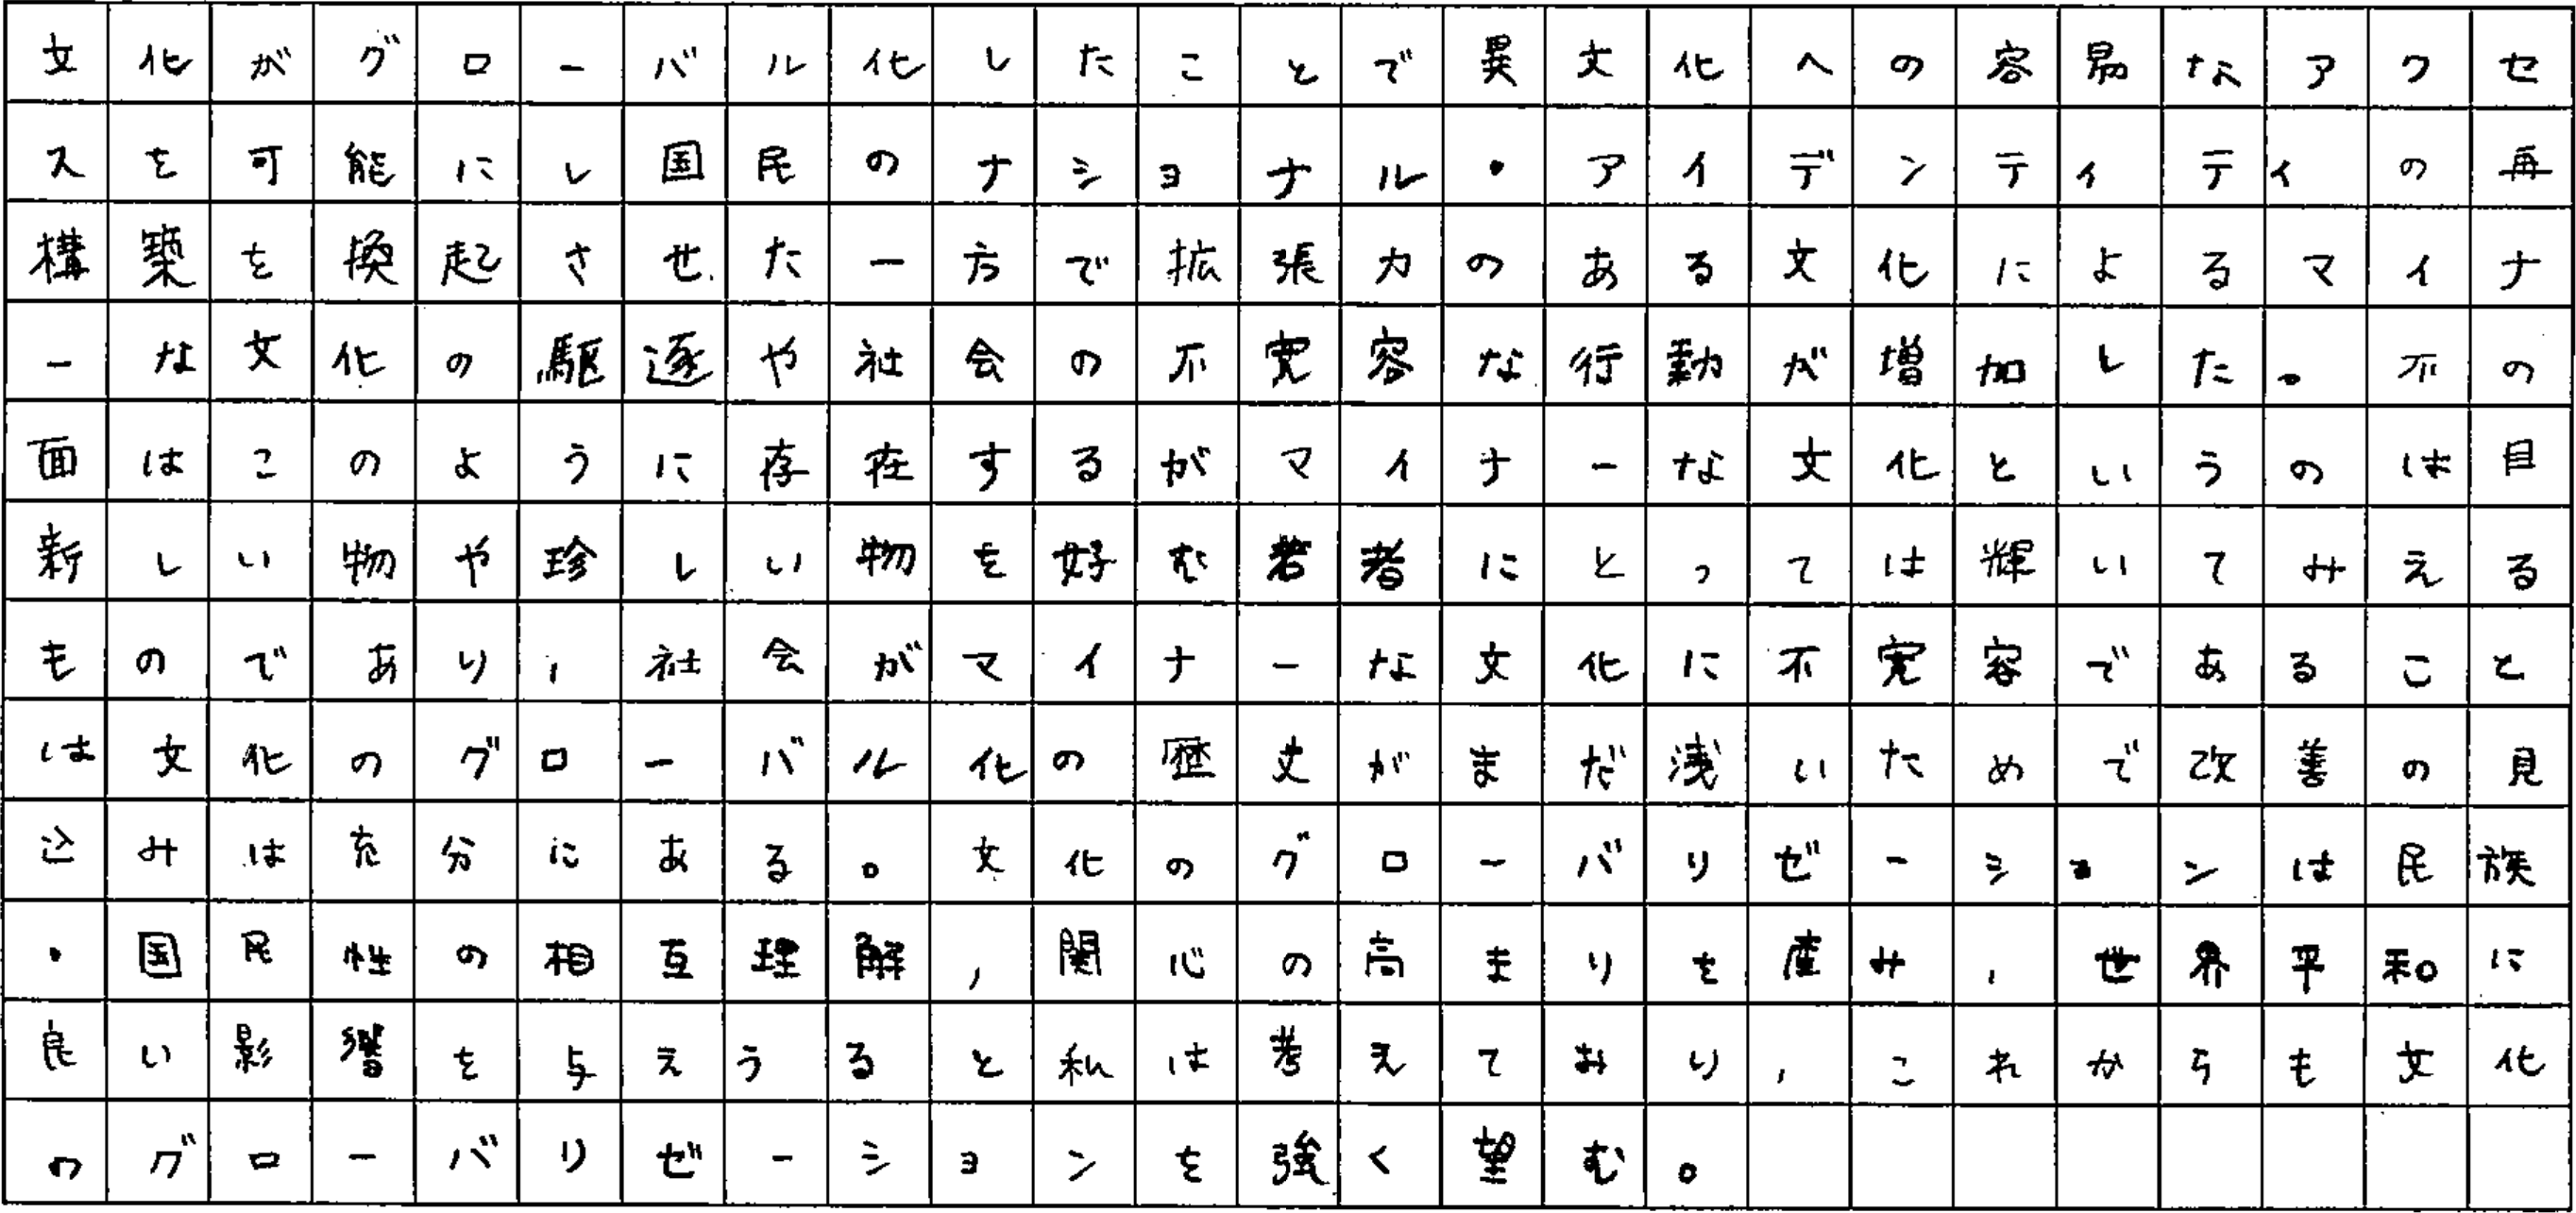文化がグローバル化したことで異文化への容易なアクセスを可能にし国民のナショナル・アイデンティティの再構築を換起させた一方で拡張力のある文化によるマイナーな文化の駆逐や社会の不寛容な行動が増加した。不の面はこのように存在するがマイナーな文化というのは目新しい物や珍しい物を好む若者にとっては輝いてみえるものであり、社会がマイナーな文化に不寛容であることは文化のグローバル化の歴史がまだ浅いためで改善の見込みは充分にある。文化のグローバリゼーションは民族・国民性の相互理解、関心の高まりを産み、世界平和に良い影響を与えうると私は考えており、これからも文化のグローバリゼーションを強く望む。
